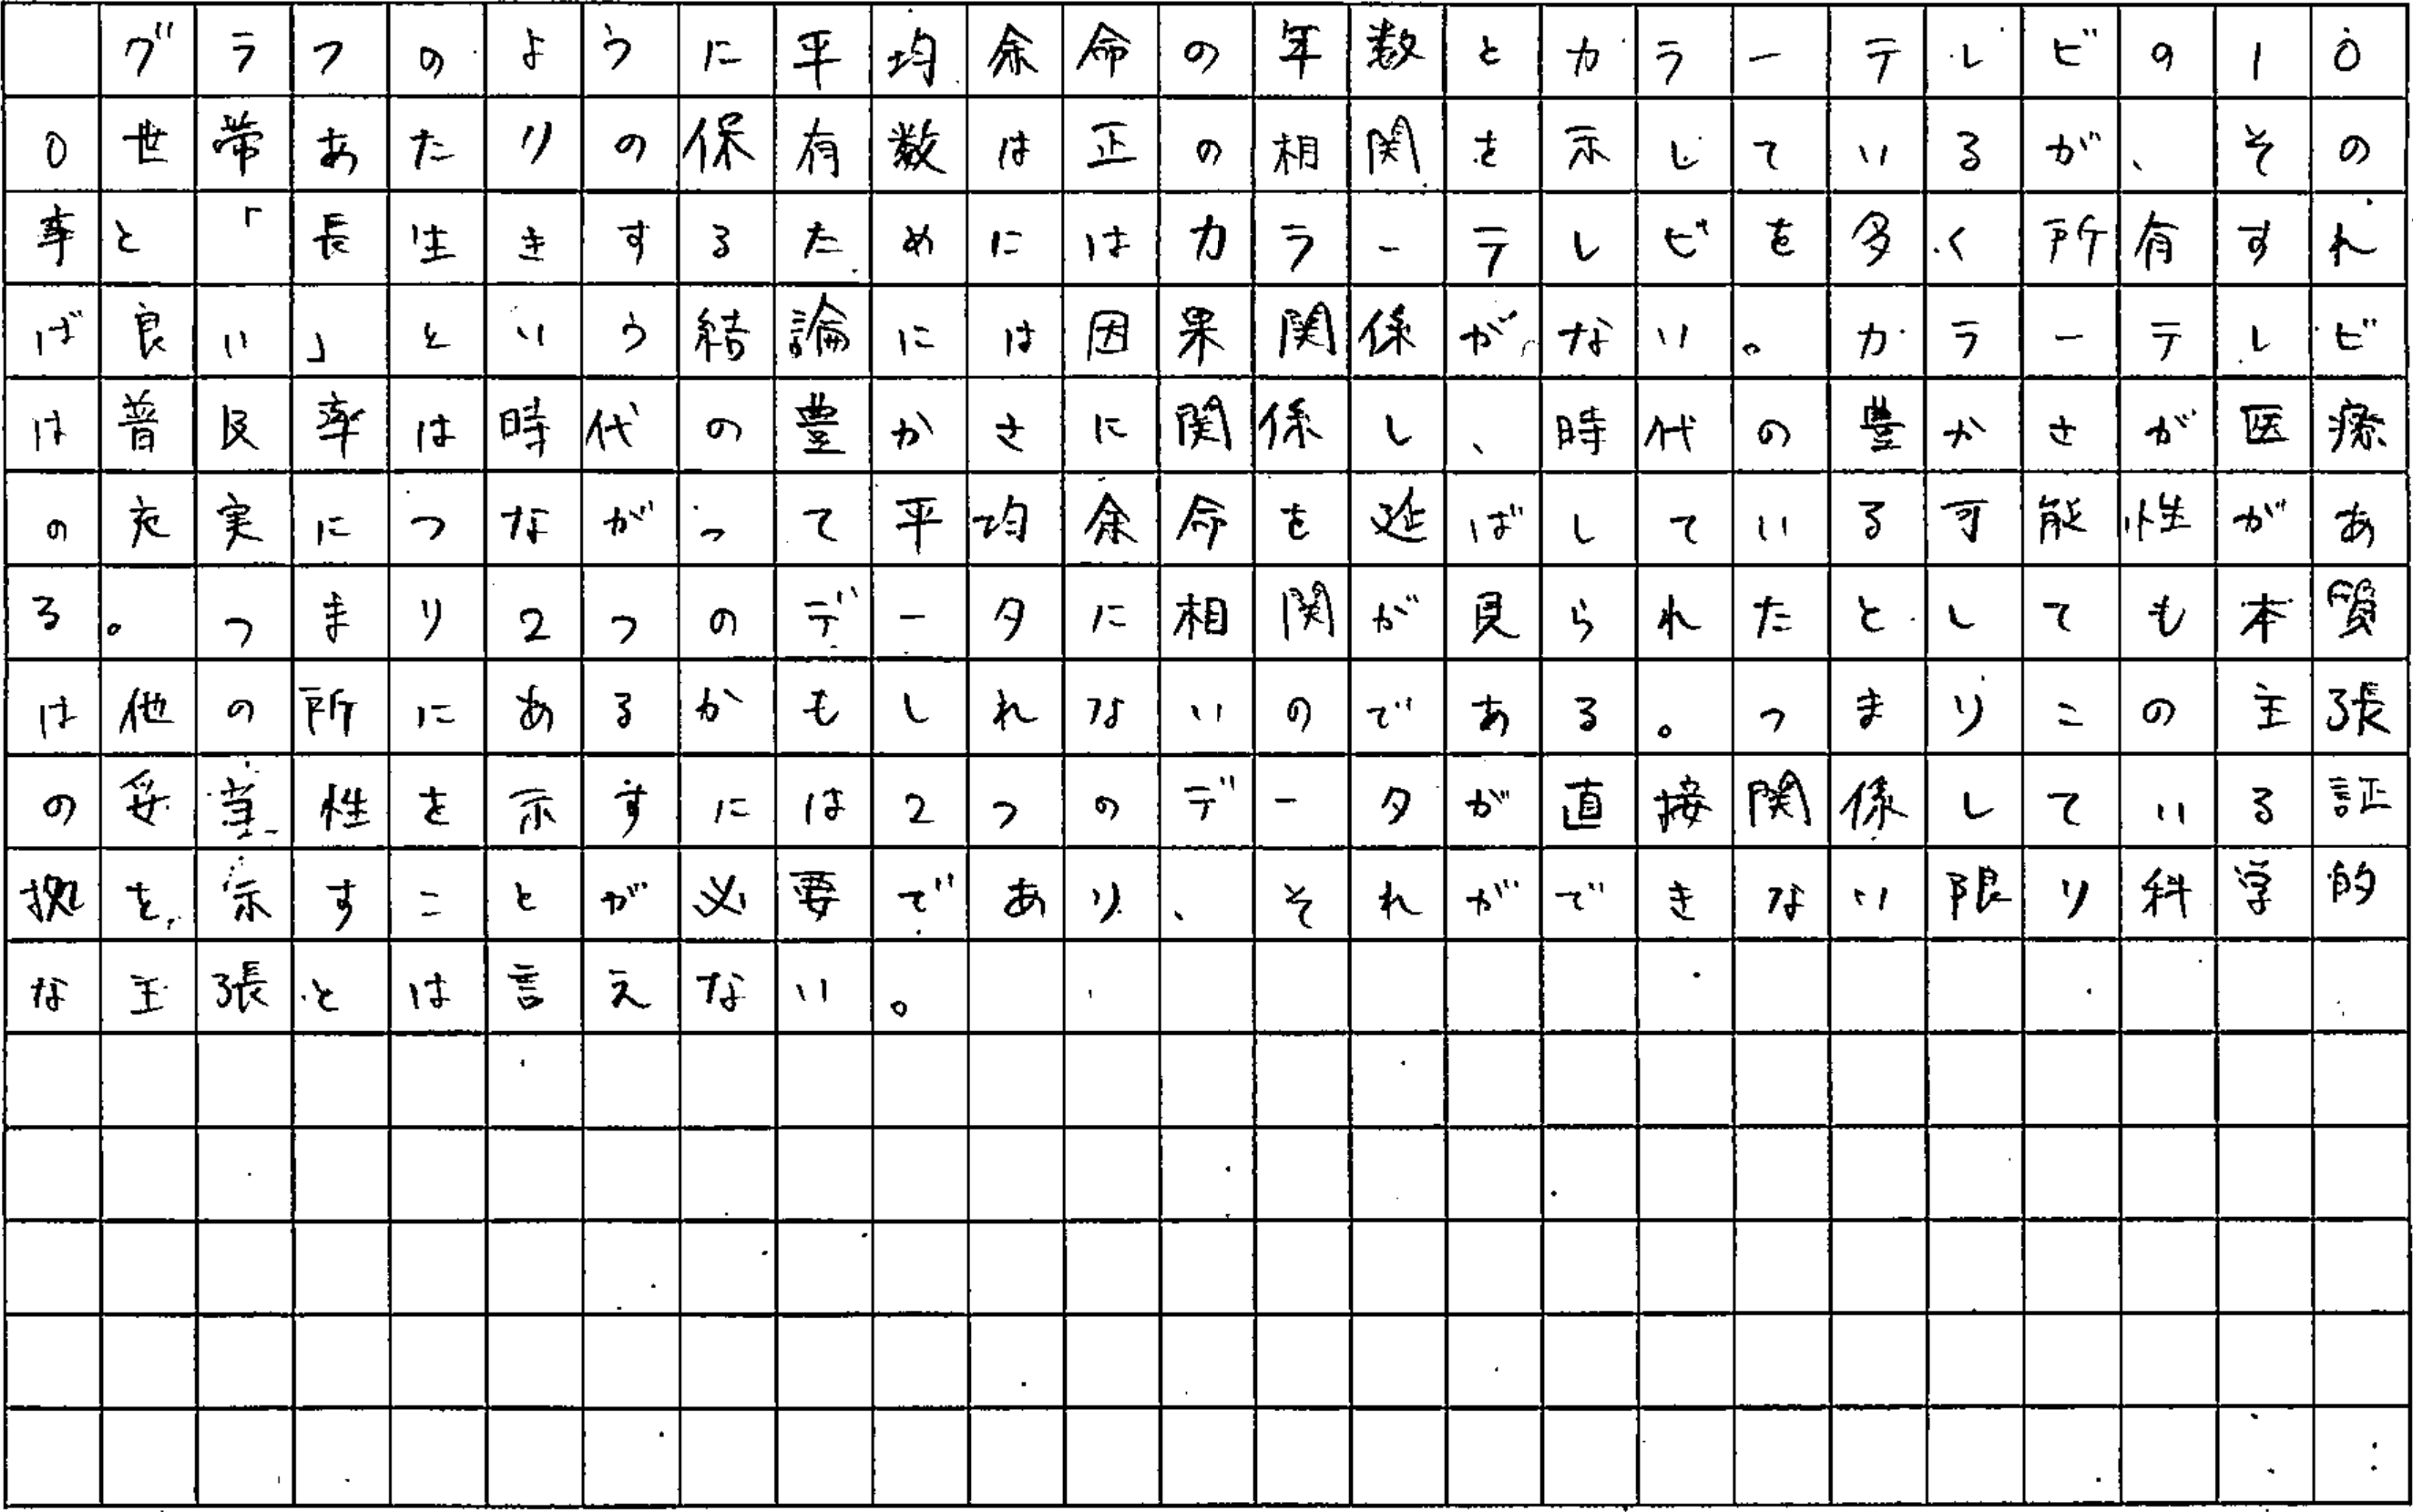　グラフのように平均余命の年数とカラーテレビの１００世帯あたりの保有数は正の相関を示しているが、その事と「長生きするためにはカラーテレビを多く所有すれば良い」という結論には因果関係がない。カラーテレビは普及率は時代の豊かさに関係し、時代の豊かさが医療の充実につながって平均余命を延ばしている可能性がある。つまり２つのデータに相関が見られたとしても本質は他の所にあるかもしれないのである。つまりこの主張の妥当性を示すには２つのデータが直接関係している証拠を示すことが必要であり、それができない限り科学的な主張とは言えない。
